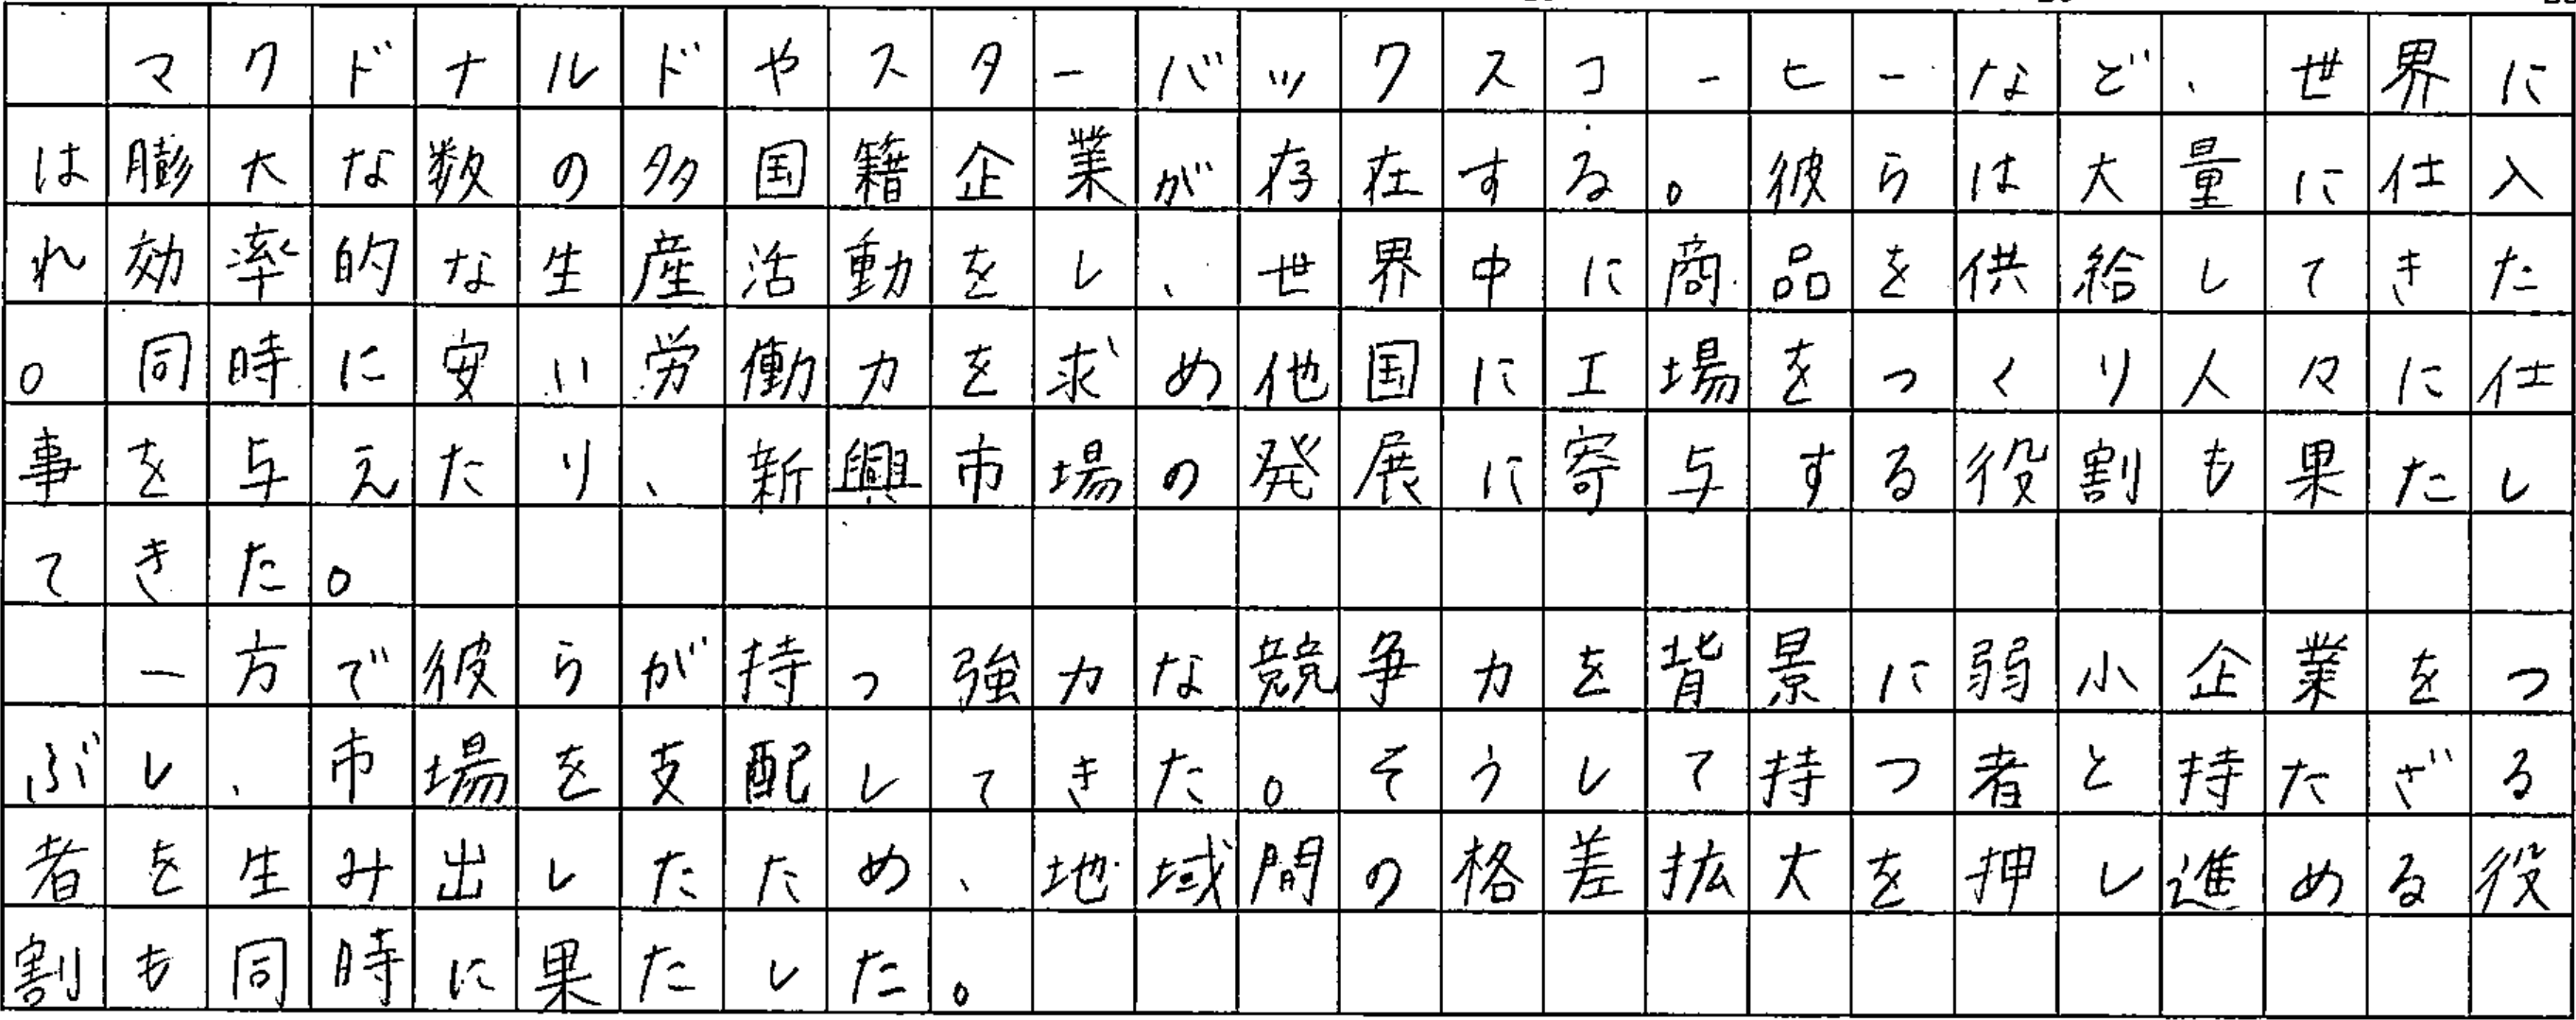　マクドナルドやスターバックスコーヒーなど、世界には膨大な数の多国籍企業が存在する。彼らは大量に仕入れ効率的な生産活動をし、世界中に商品を提供してきた。同時に安い労働力を求め他国に工場をつくり人々に仕事を与えたり、新興市場の発展に寄与する役割も果たしてきた。
　一方で彼らが持つ強力な競争力を背景に弱小企業をつぶし、市場を支配してきた。そうして持つ者と持たざる者を生み出したため、地域間の格差拡大を押し進める役割も同時に果たした。
